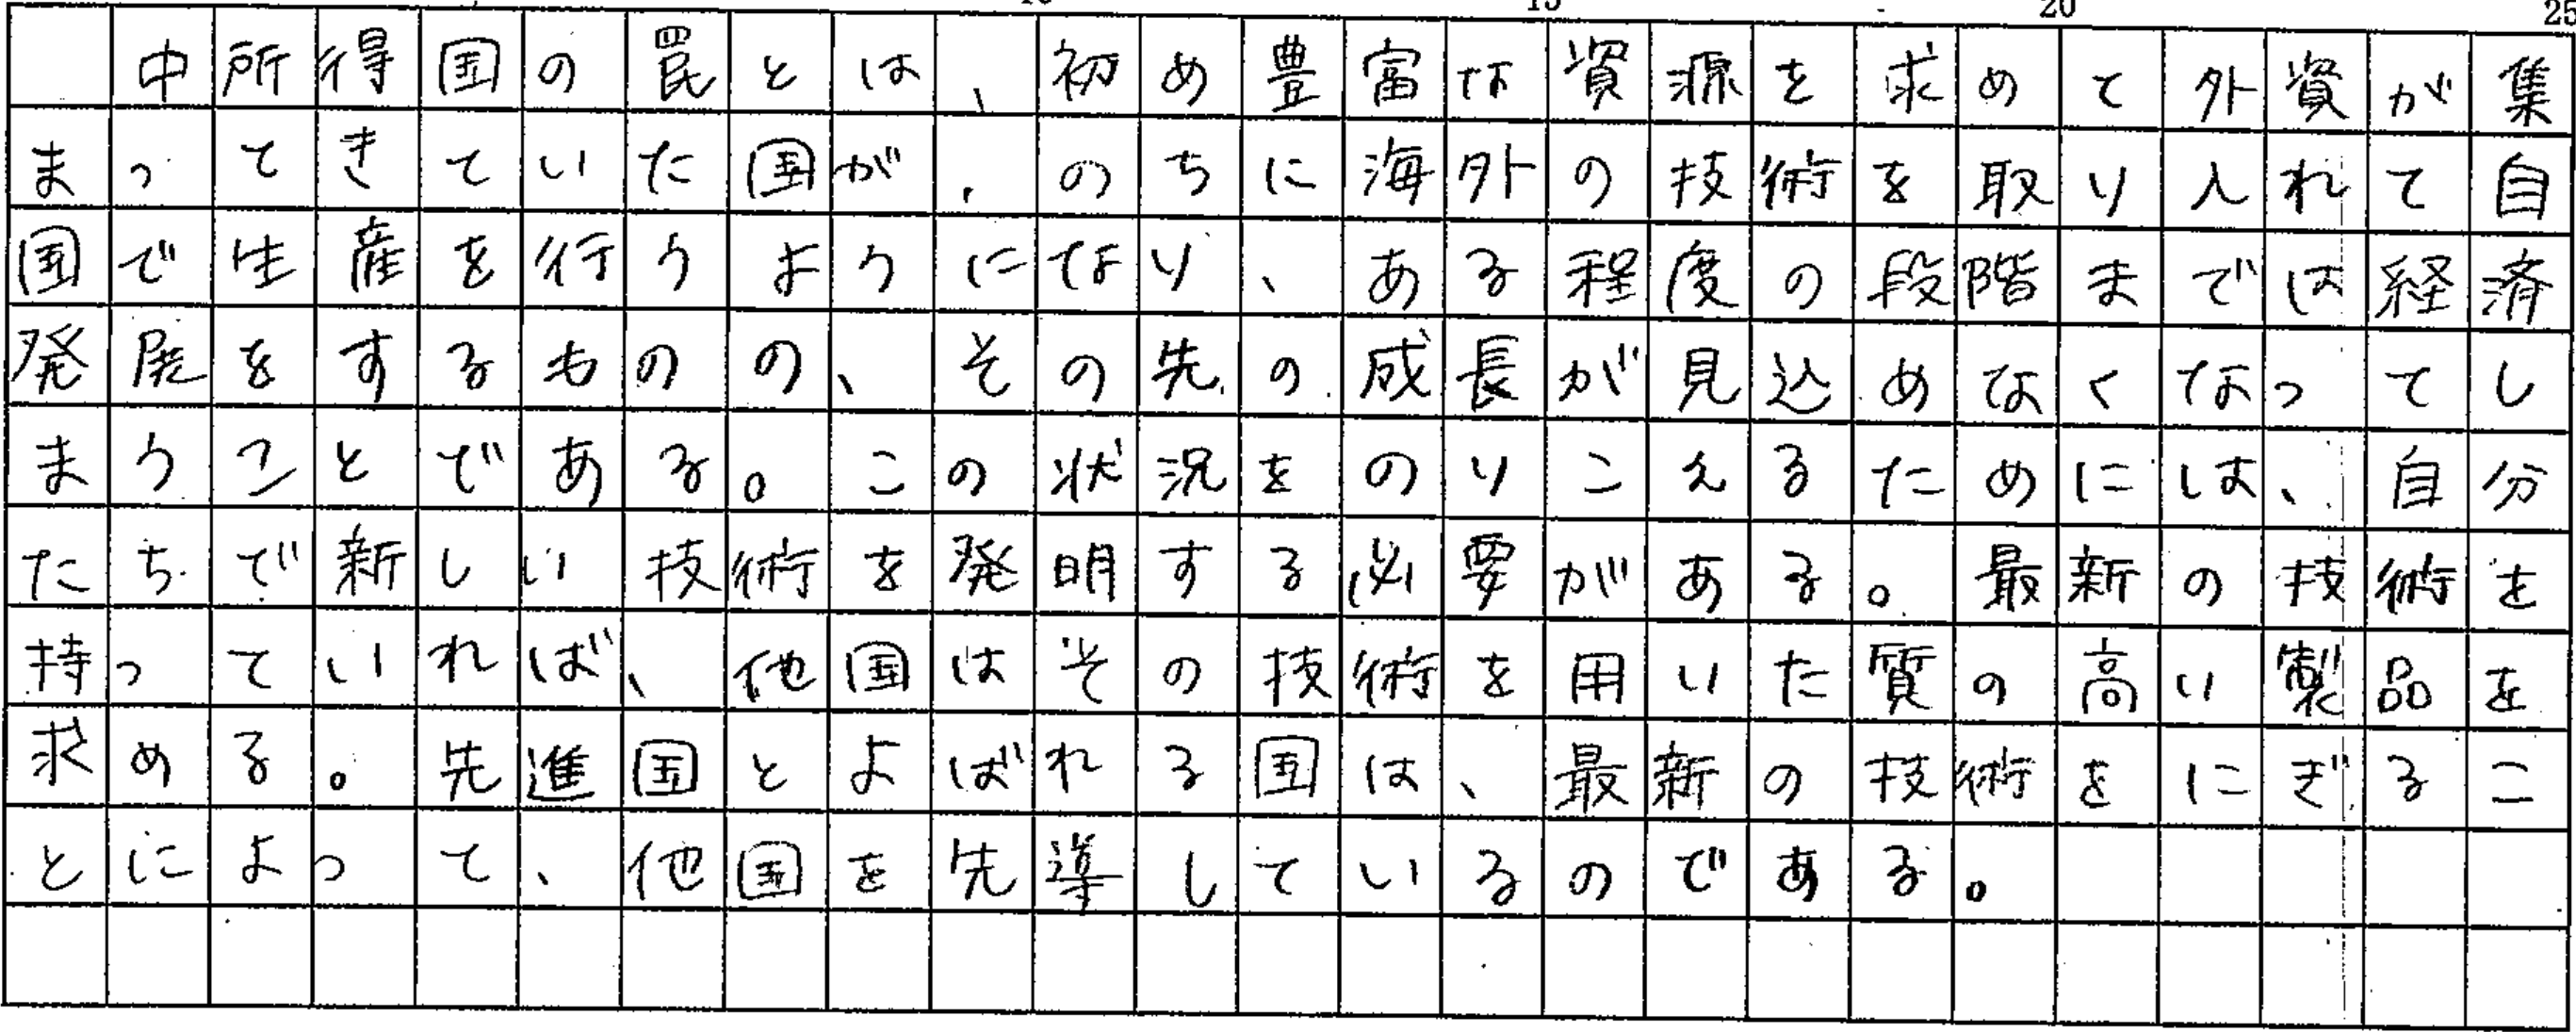　中所得国の罠とは、初め豊富な資源を求めて外資が集まってきていた国が、のちに海外の技術を取り入れて自国で生産を行うようになり、ある程度の段階までは経済発展をするものの、その先の成長が見込めなくなってしまうことである。この状況をのりこえるためには、自分たちで新しい技術を発明する必要がある。最新の技術を持っていれば、他国はその技術を用いた質の高い製品を求める。先進国とよばれる国は、最新の技術をにぎることによって、他国を先導しているのである。
